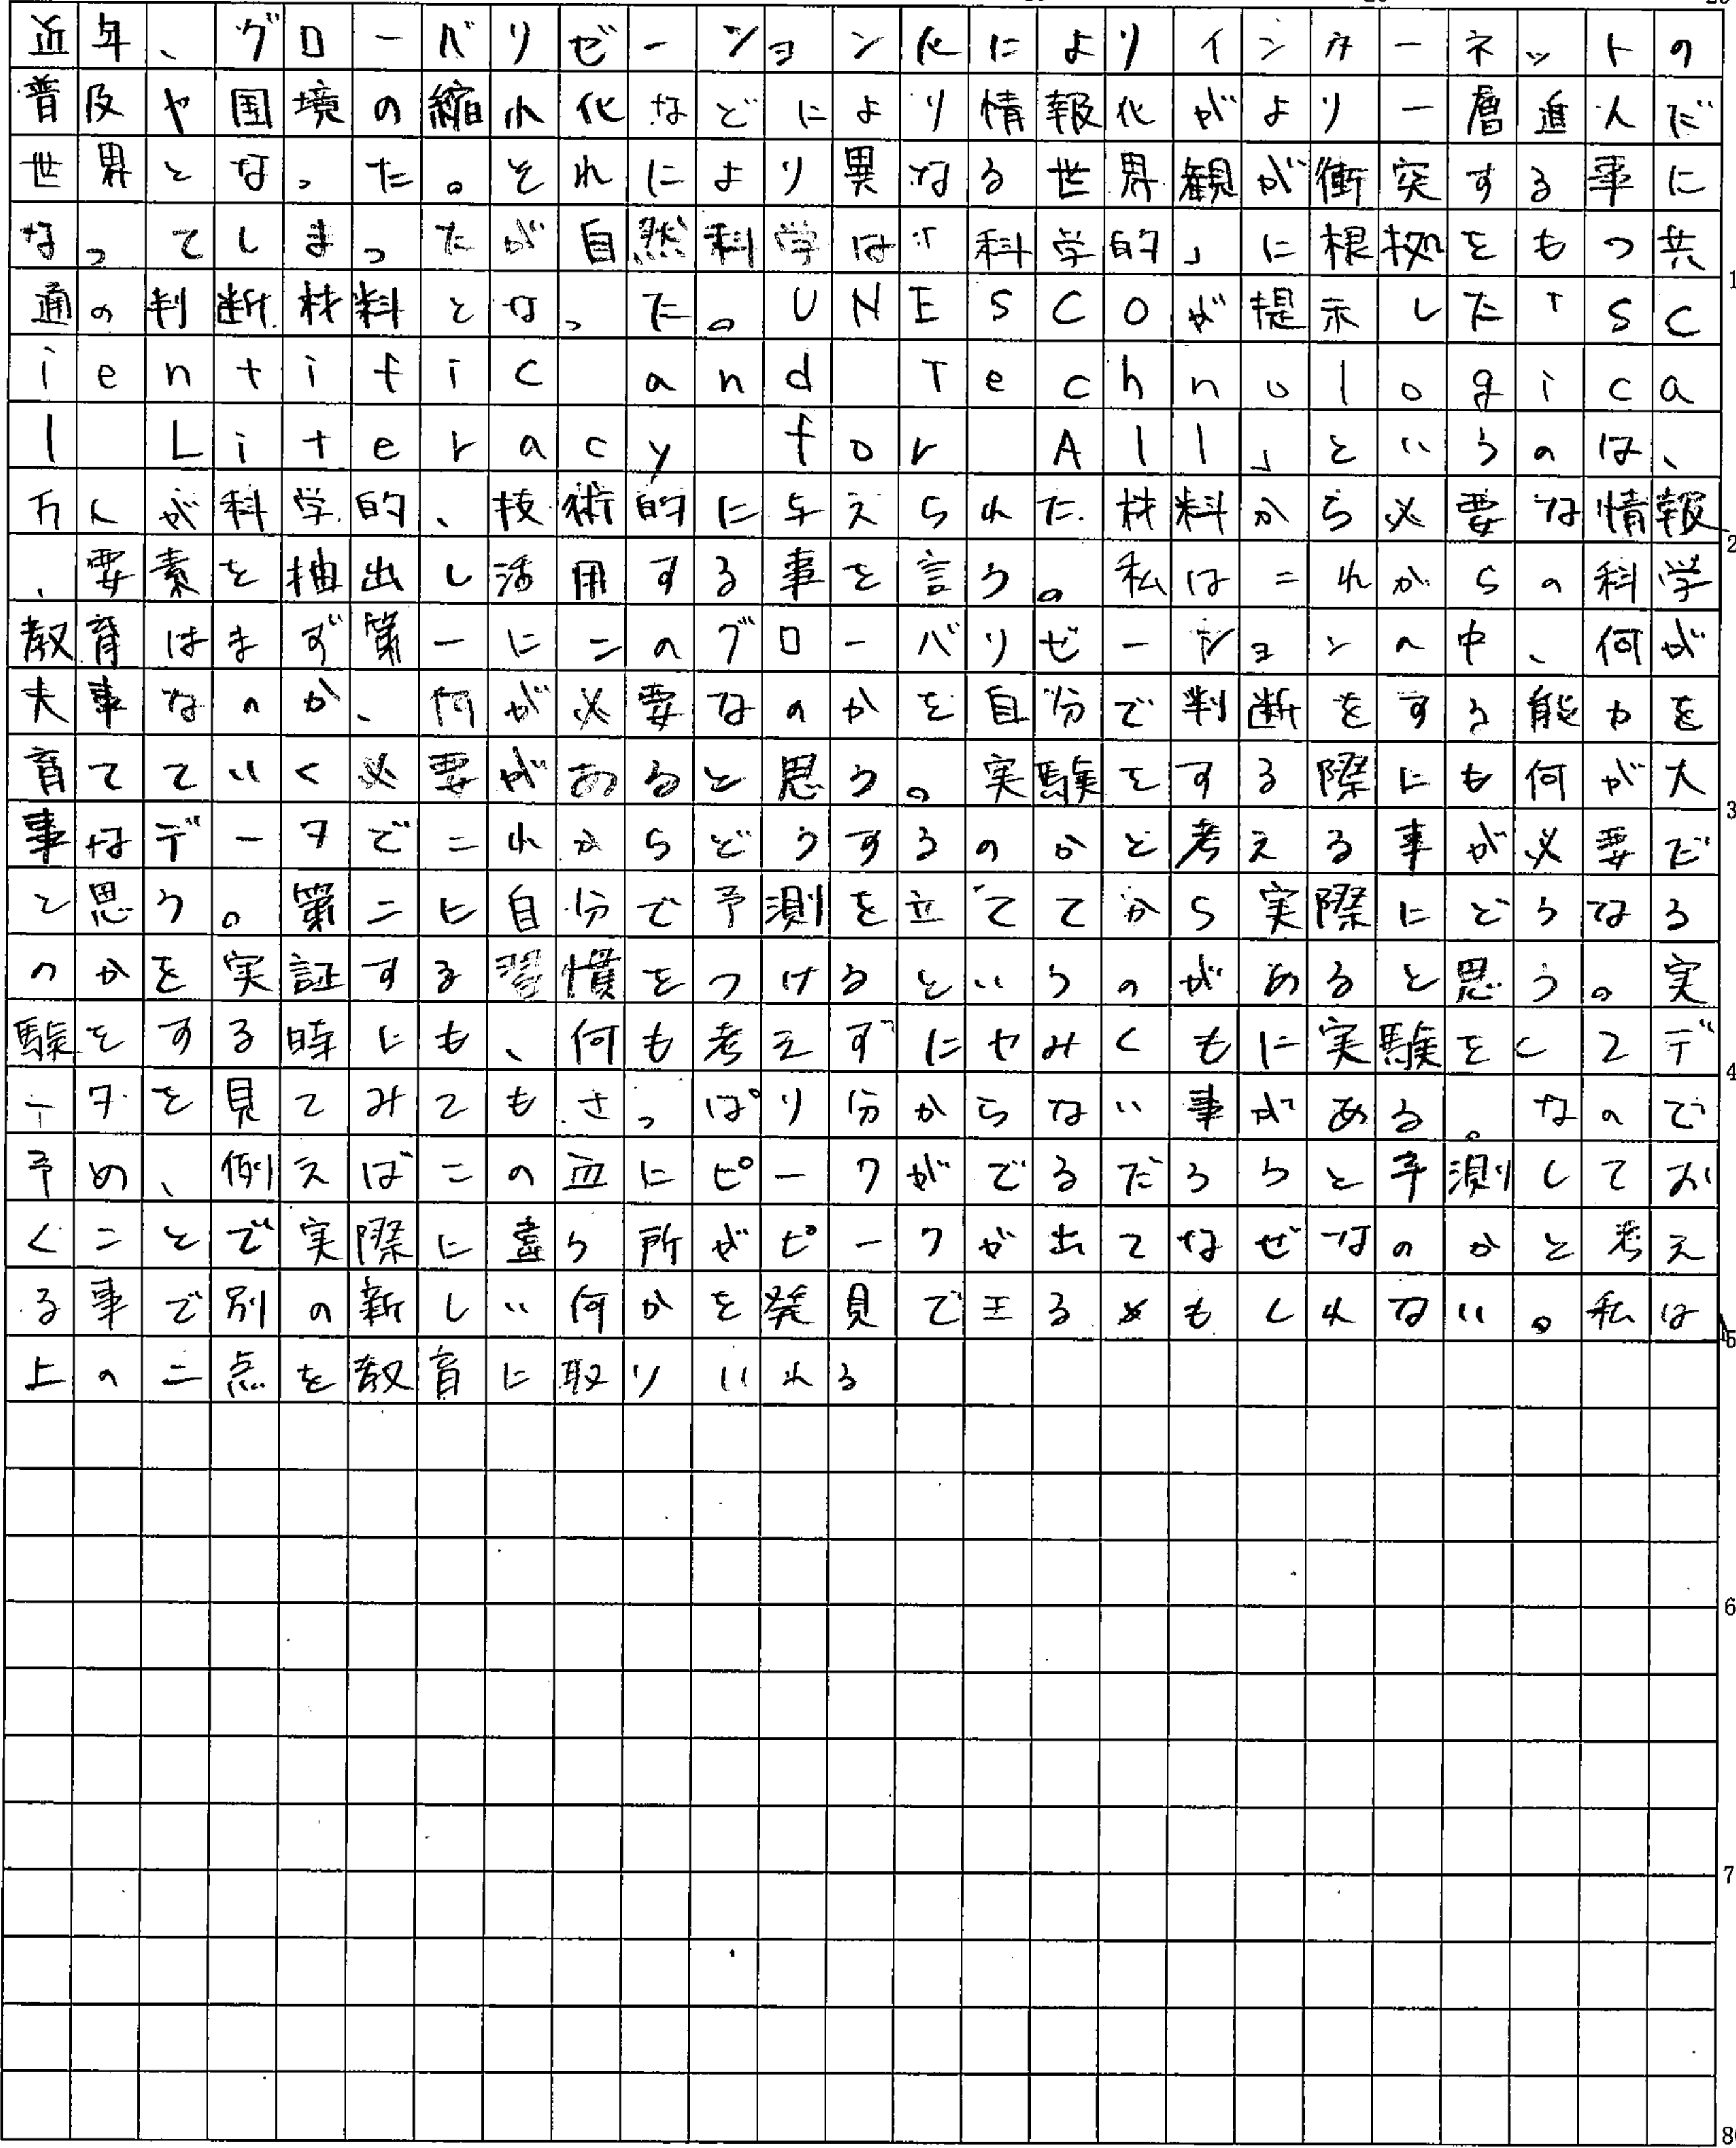近年、グローバリゼーション化によりインターネットの普及や国境の縮小化などにより情報化がより一層進んだ世界となった。それにより異なる世界観が衝突する事になってしまったが自然科学は「科学的」に根拠をもつ共通の判断材料となった。ＵＮＥＳＣＯが提示した「Ｓｃｉｅｎｔｉｆｉｃ　ａｎｄ　Ｔｅｃｈｎｏｌｏｇｉｃａｌ　Ｌｉｔｅｒａｃｙ　ｆｏｒ　Ａｌｌ」というのは、万人が科学的、技術的に与えられた材料から必要な情報、要素を抽出し活用する事を言う。私はこれからの科学教育はまず第一にこのグローバリゼーションの中、何が大事なのか、何が必要なのかを自分で判断をする能力を育てていく必要があると思う。実験をする際にも何が大事なデータでこれからどうするのかと考える事が必要だと思う。第二に自分で予測を立ててから実際にどうなるのかを実証する習慣をつけるというのがあると思う。実験をする時にも、何も考えずにやみくもに実験をしてデータを見てみてもさっぱり分からない事がある。なので予め、例えばこの▁にピークが出るだろうと予測しておくことで実際に違う所がピークが出てなぜなのかと考える事で別の新しい何かを発見できるかもしれない。私は上の二点を教育に取りいれる
